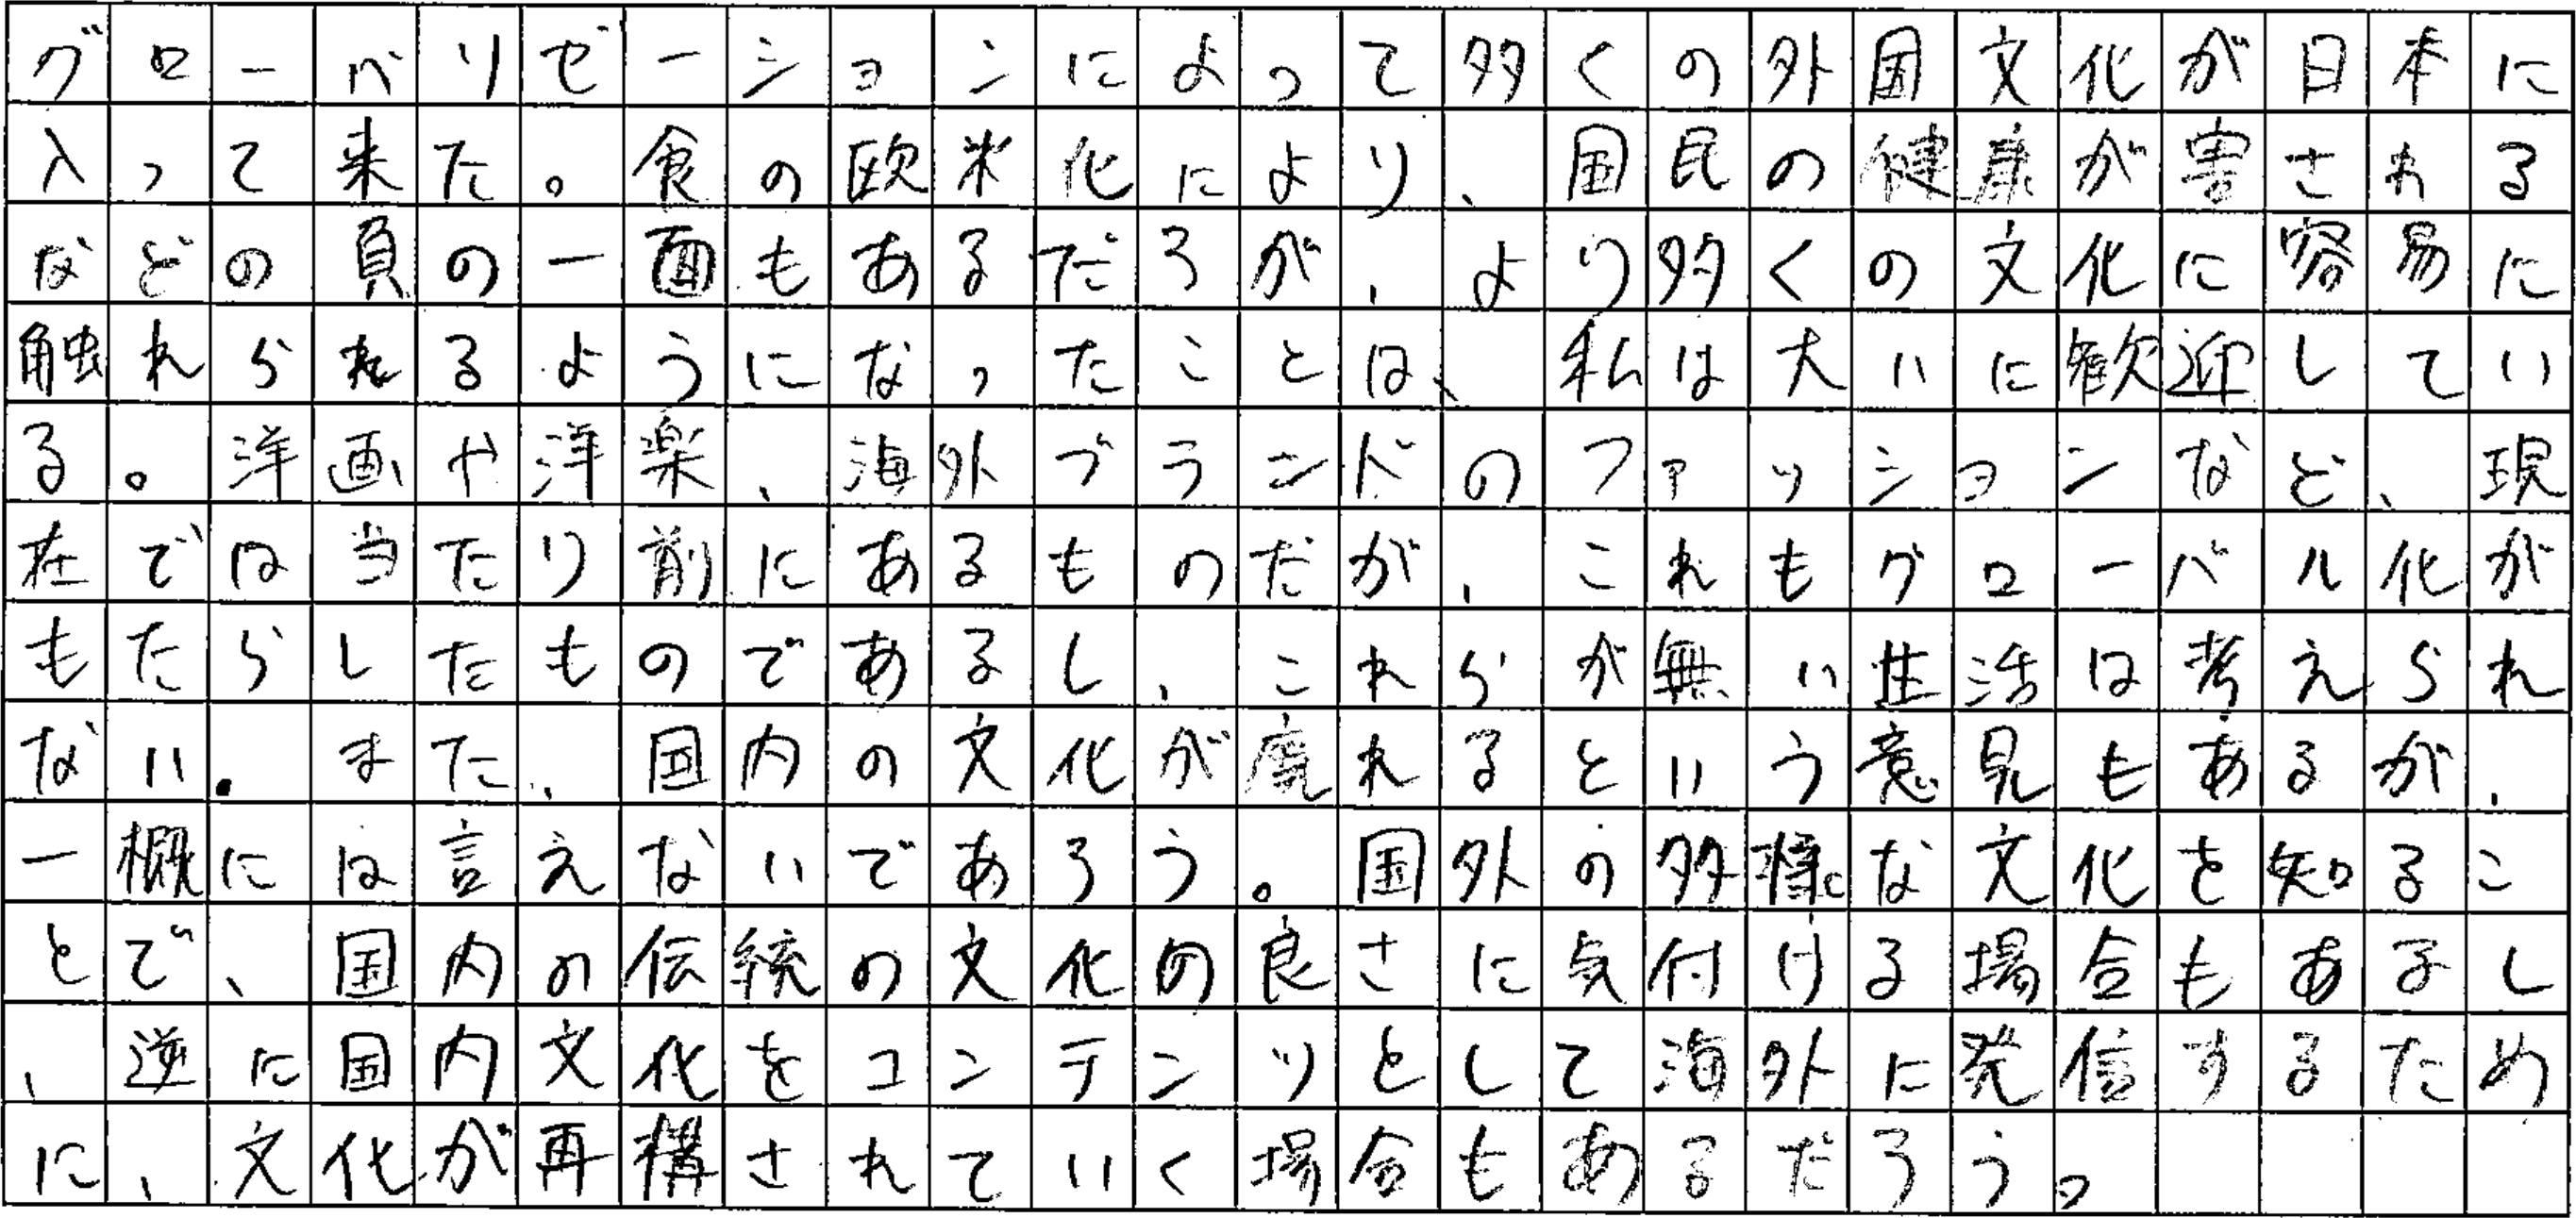グローバリゼーションによって多くの外国文化が日本に入って来た。食の欧米化により、国民の健康が害されるなどの負の一面もあるだろが、より多くの文化に容易に触れられるようになったことは、私は大いに歓迎している。洋画や洋楽、海外ブランドのファッションなど、現在では当たり前にあるものだが、これもグローバル化がもたらしたものであるし、これらが無い生活は考えられない。また、国内の文化が廃れるという意見もあるが、一概には言えないであろう。国外の多様な文化を知ることで、国内の伝統の文化の良さに気付ける場合もあるし、逆に国内文化をコンテンツとして海外に発信するために、文化が再構されていく場合もあるだろう。
